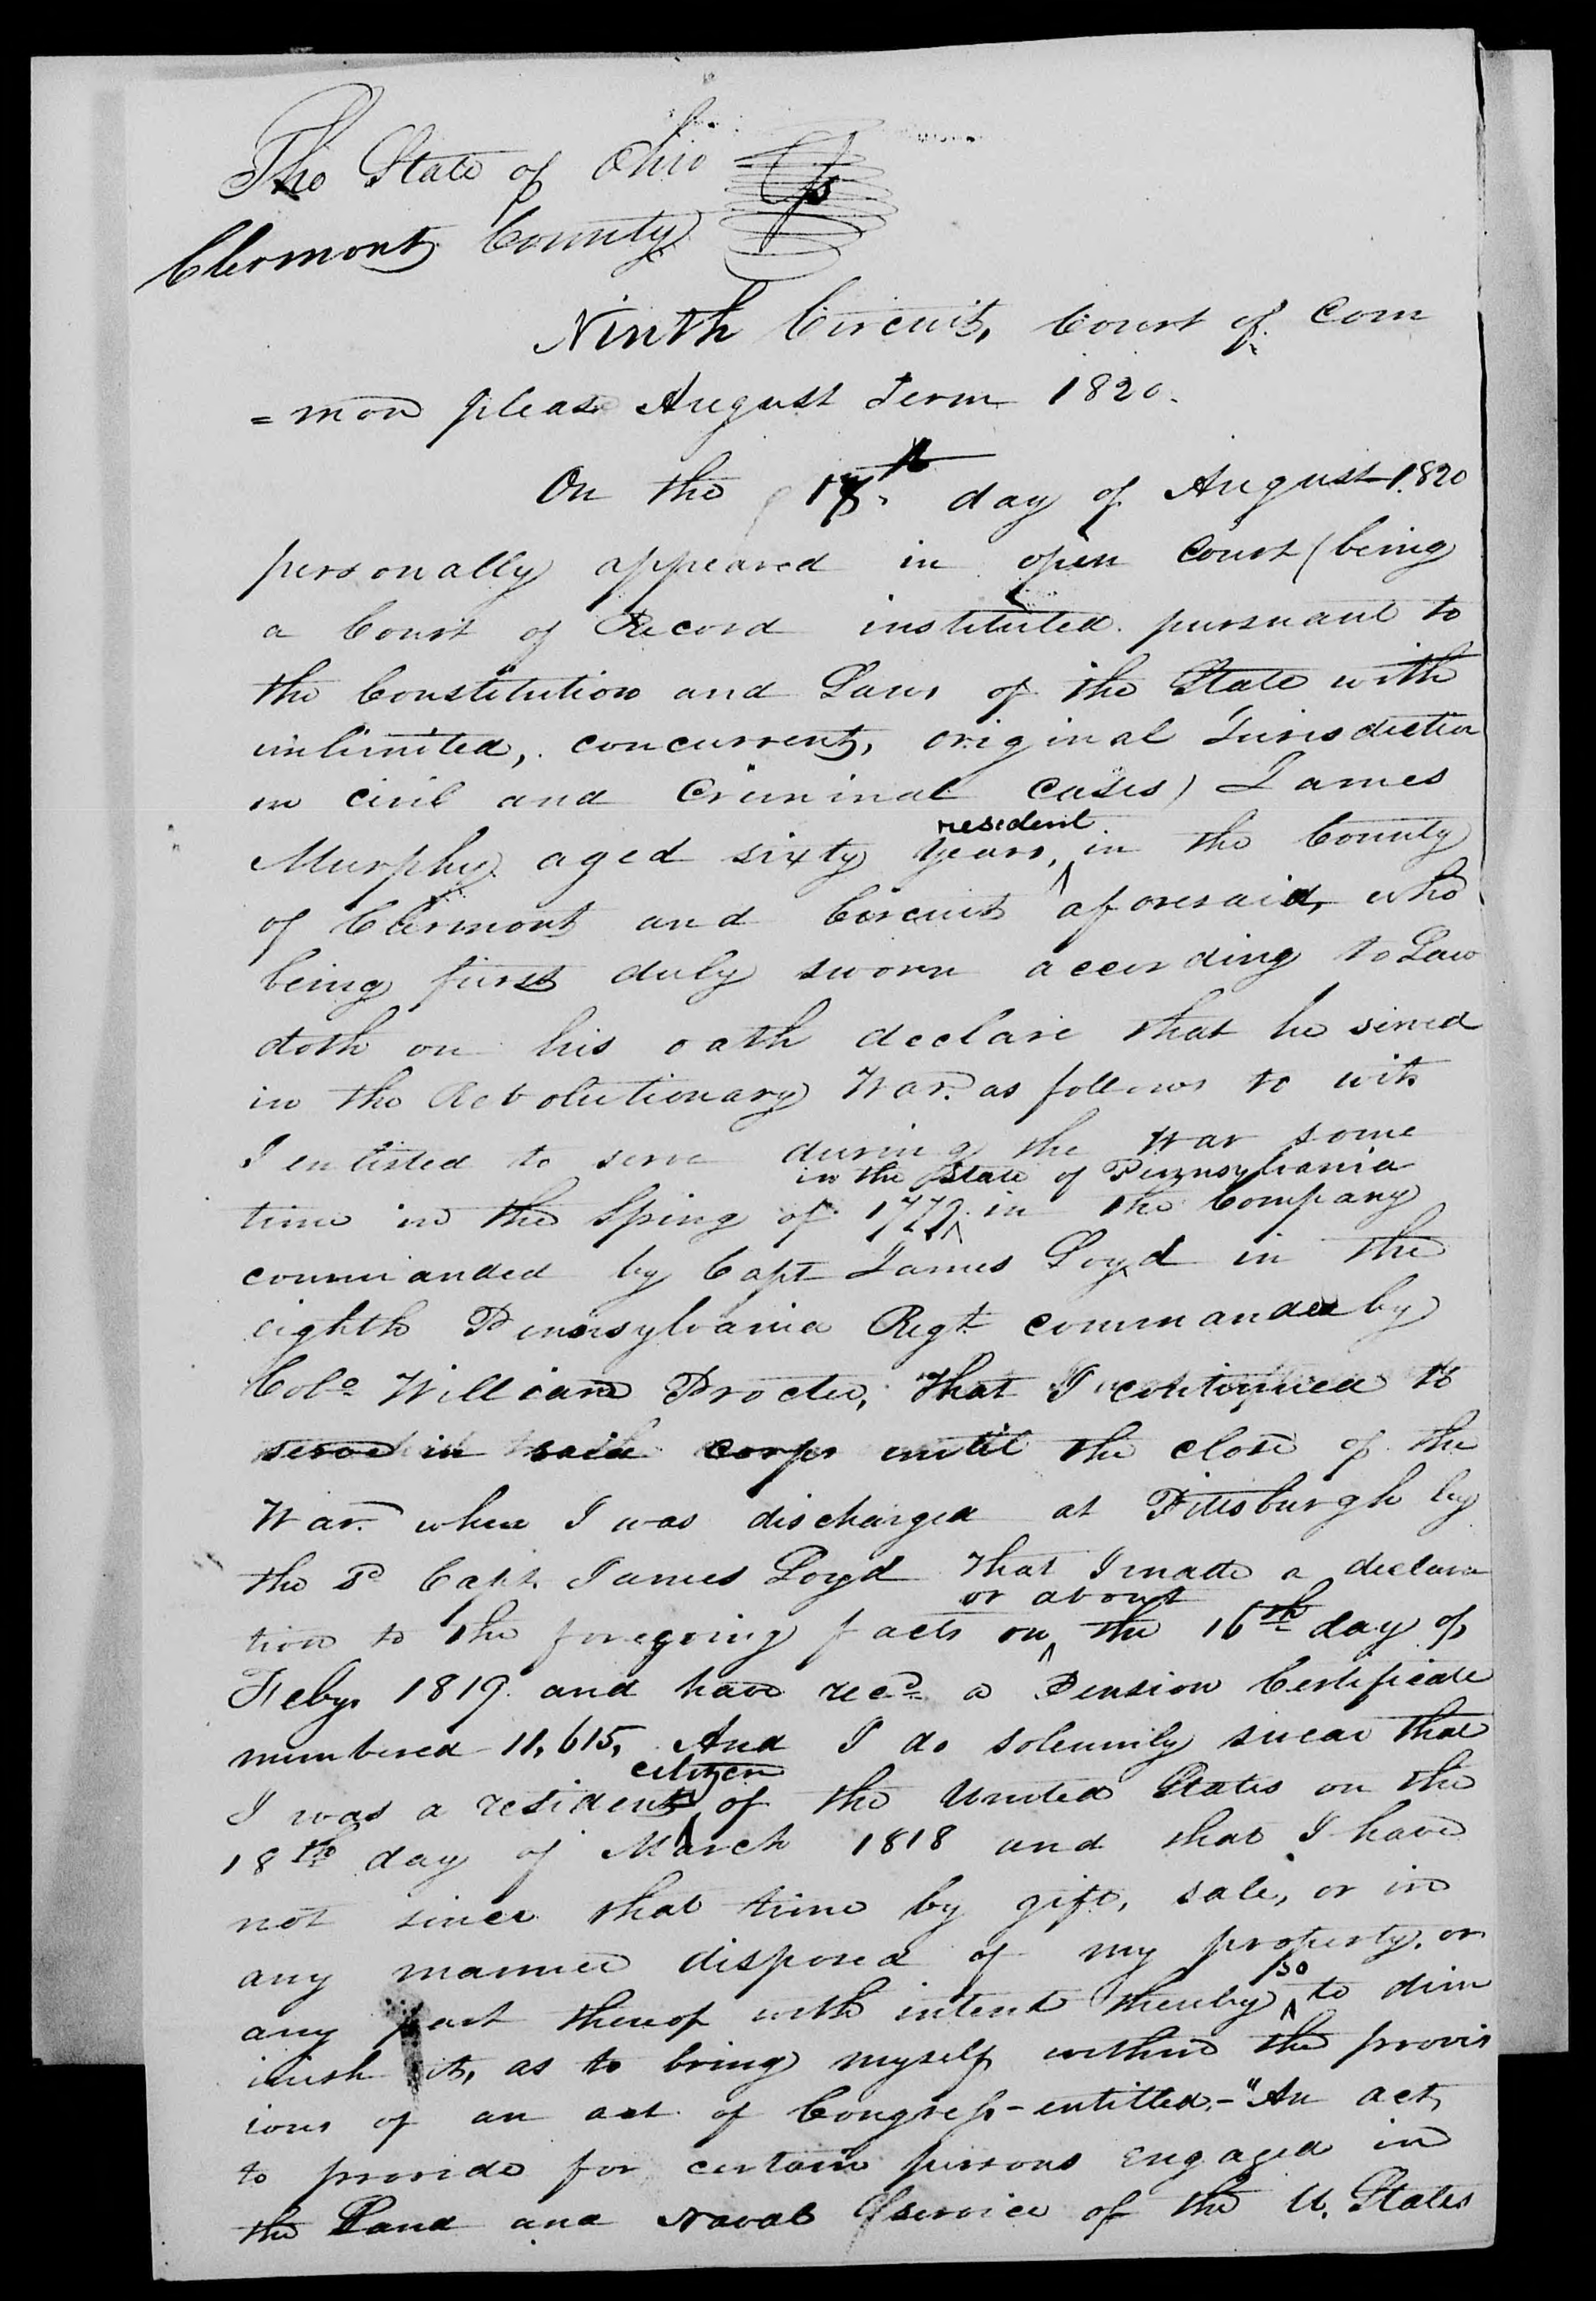The State of Ohio
Clermont County

Ninth Circuit, Court of Common 
Pleas August Term 1820

On the 17th day of August 1820
personally appeared in open Court (being
a Court of Record instituted pursuant to
the Constitution and Laws of the State with
unlimited concurrent, original Jurisdiction
in civil and criminal cases, James
Murphy aged sixty years, resident in the County
of Clermont and Circuit aforesaid, who
being first duly sworn according to Law
doth on his oath declare that he served
in the Revolutionary War as follows to wit
I enlisted to serve during the war some
time in the spring of 1779 in the Sstate of Pennsylvania in the Company
commanded by Capt James Loyd in the
eighth Pennsylvania Regt commanded by
Colo William Proctor, that I continued to
serve in said corps until the close of the
War. when I was discharged at Pittsburgh by
the sd Capt James Loyd  That I made a declaration 
to the foregoing facts on or about the 16th day of
Feby 1819 and have recd a pension Certificate
numbered 11,615. And I do solemnly swear that
I was a resident citizen of the United States on the
18th day of March 1818 and that I have
not since that time by gift, sale, or in
any manner disposed of my property, or
any part thereof with intent thereby so to diminish 
it, as to bring myself within the provisions 
of an act of Congress entitled, "An act
to provide for certain persons engaged in
the Land and Naval service of the U. States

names: James Murphy; James Loyd; William Proctor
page: 6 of 57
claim: widow's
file: W. 25,739, for James Murphey, Pennsylvania